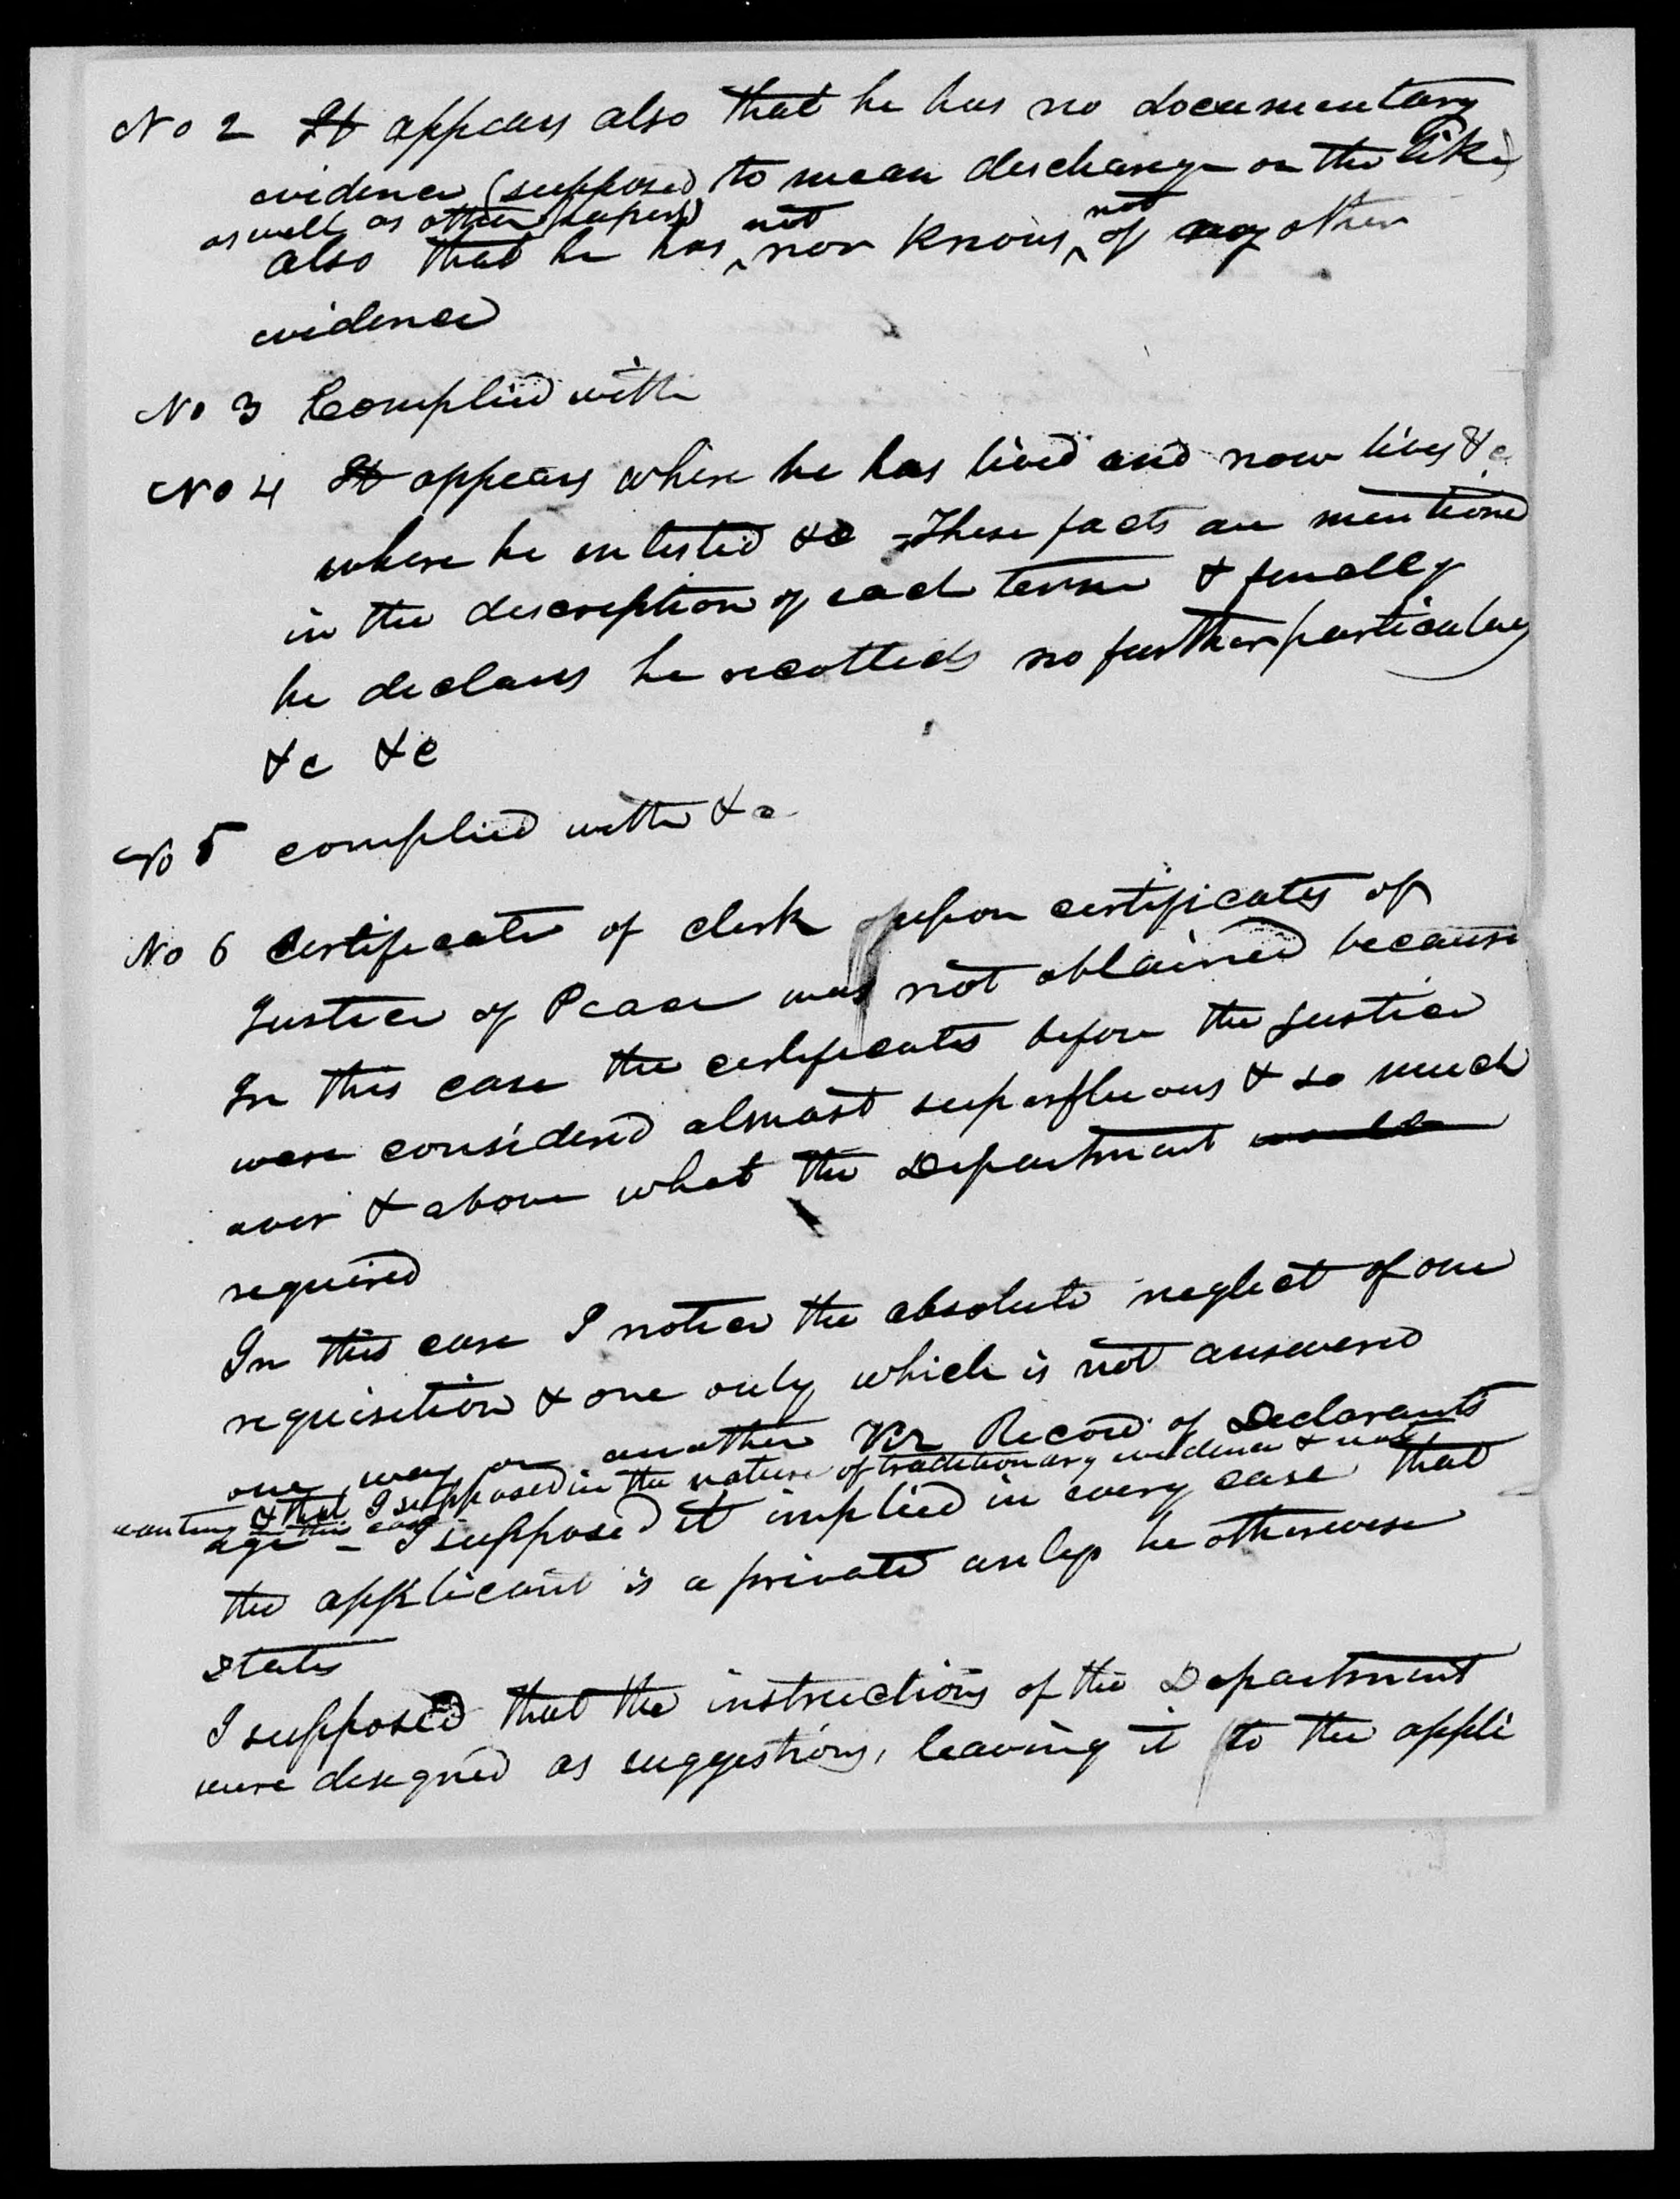No 2  It appears also that he has no documentary evidence (supposed to mean discharge or the like well as other papers) also that he has not nor knows not of any other evidence
No 3  Complied with
No 4  It appears where he has lived and now lives & where he enlisted are - These facts are mentioned in the description of each term & finally he declares he recollects no further particulary &c &c
No 5  complied with &
No 6  Certificate of Clerk [illegible] certificates of Justice of Peace was not obtained because In this case the certificates before the Justice were considered almost superfluous & so much over & above what the Department [crossed out: would] required
In this case I notice the absolute neglect of our requisition & one only which is not answered one way or another viz Record of Declarants age - & that I supposed in the nature of traditionary evidence & not wanting in this case I supposed it implied in every case that the applicant is a private unless he otherwise states
I supposed that the instructions of the Department were designed as suggestions, leaving it to the appli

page: 45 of 49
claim: widow's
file: W. 2164, for George Porter, Massachusetts